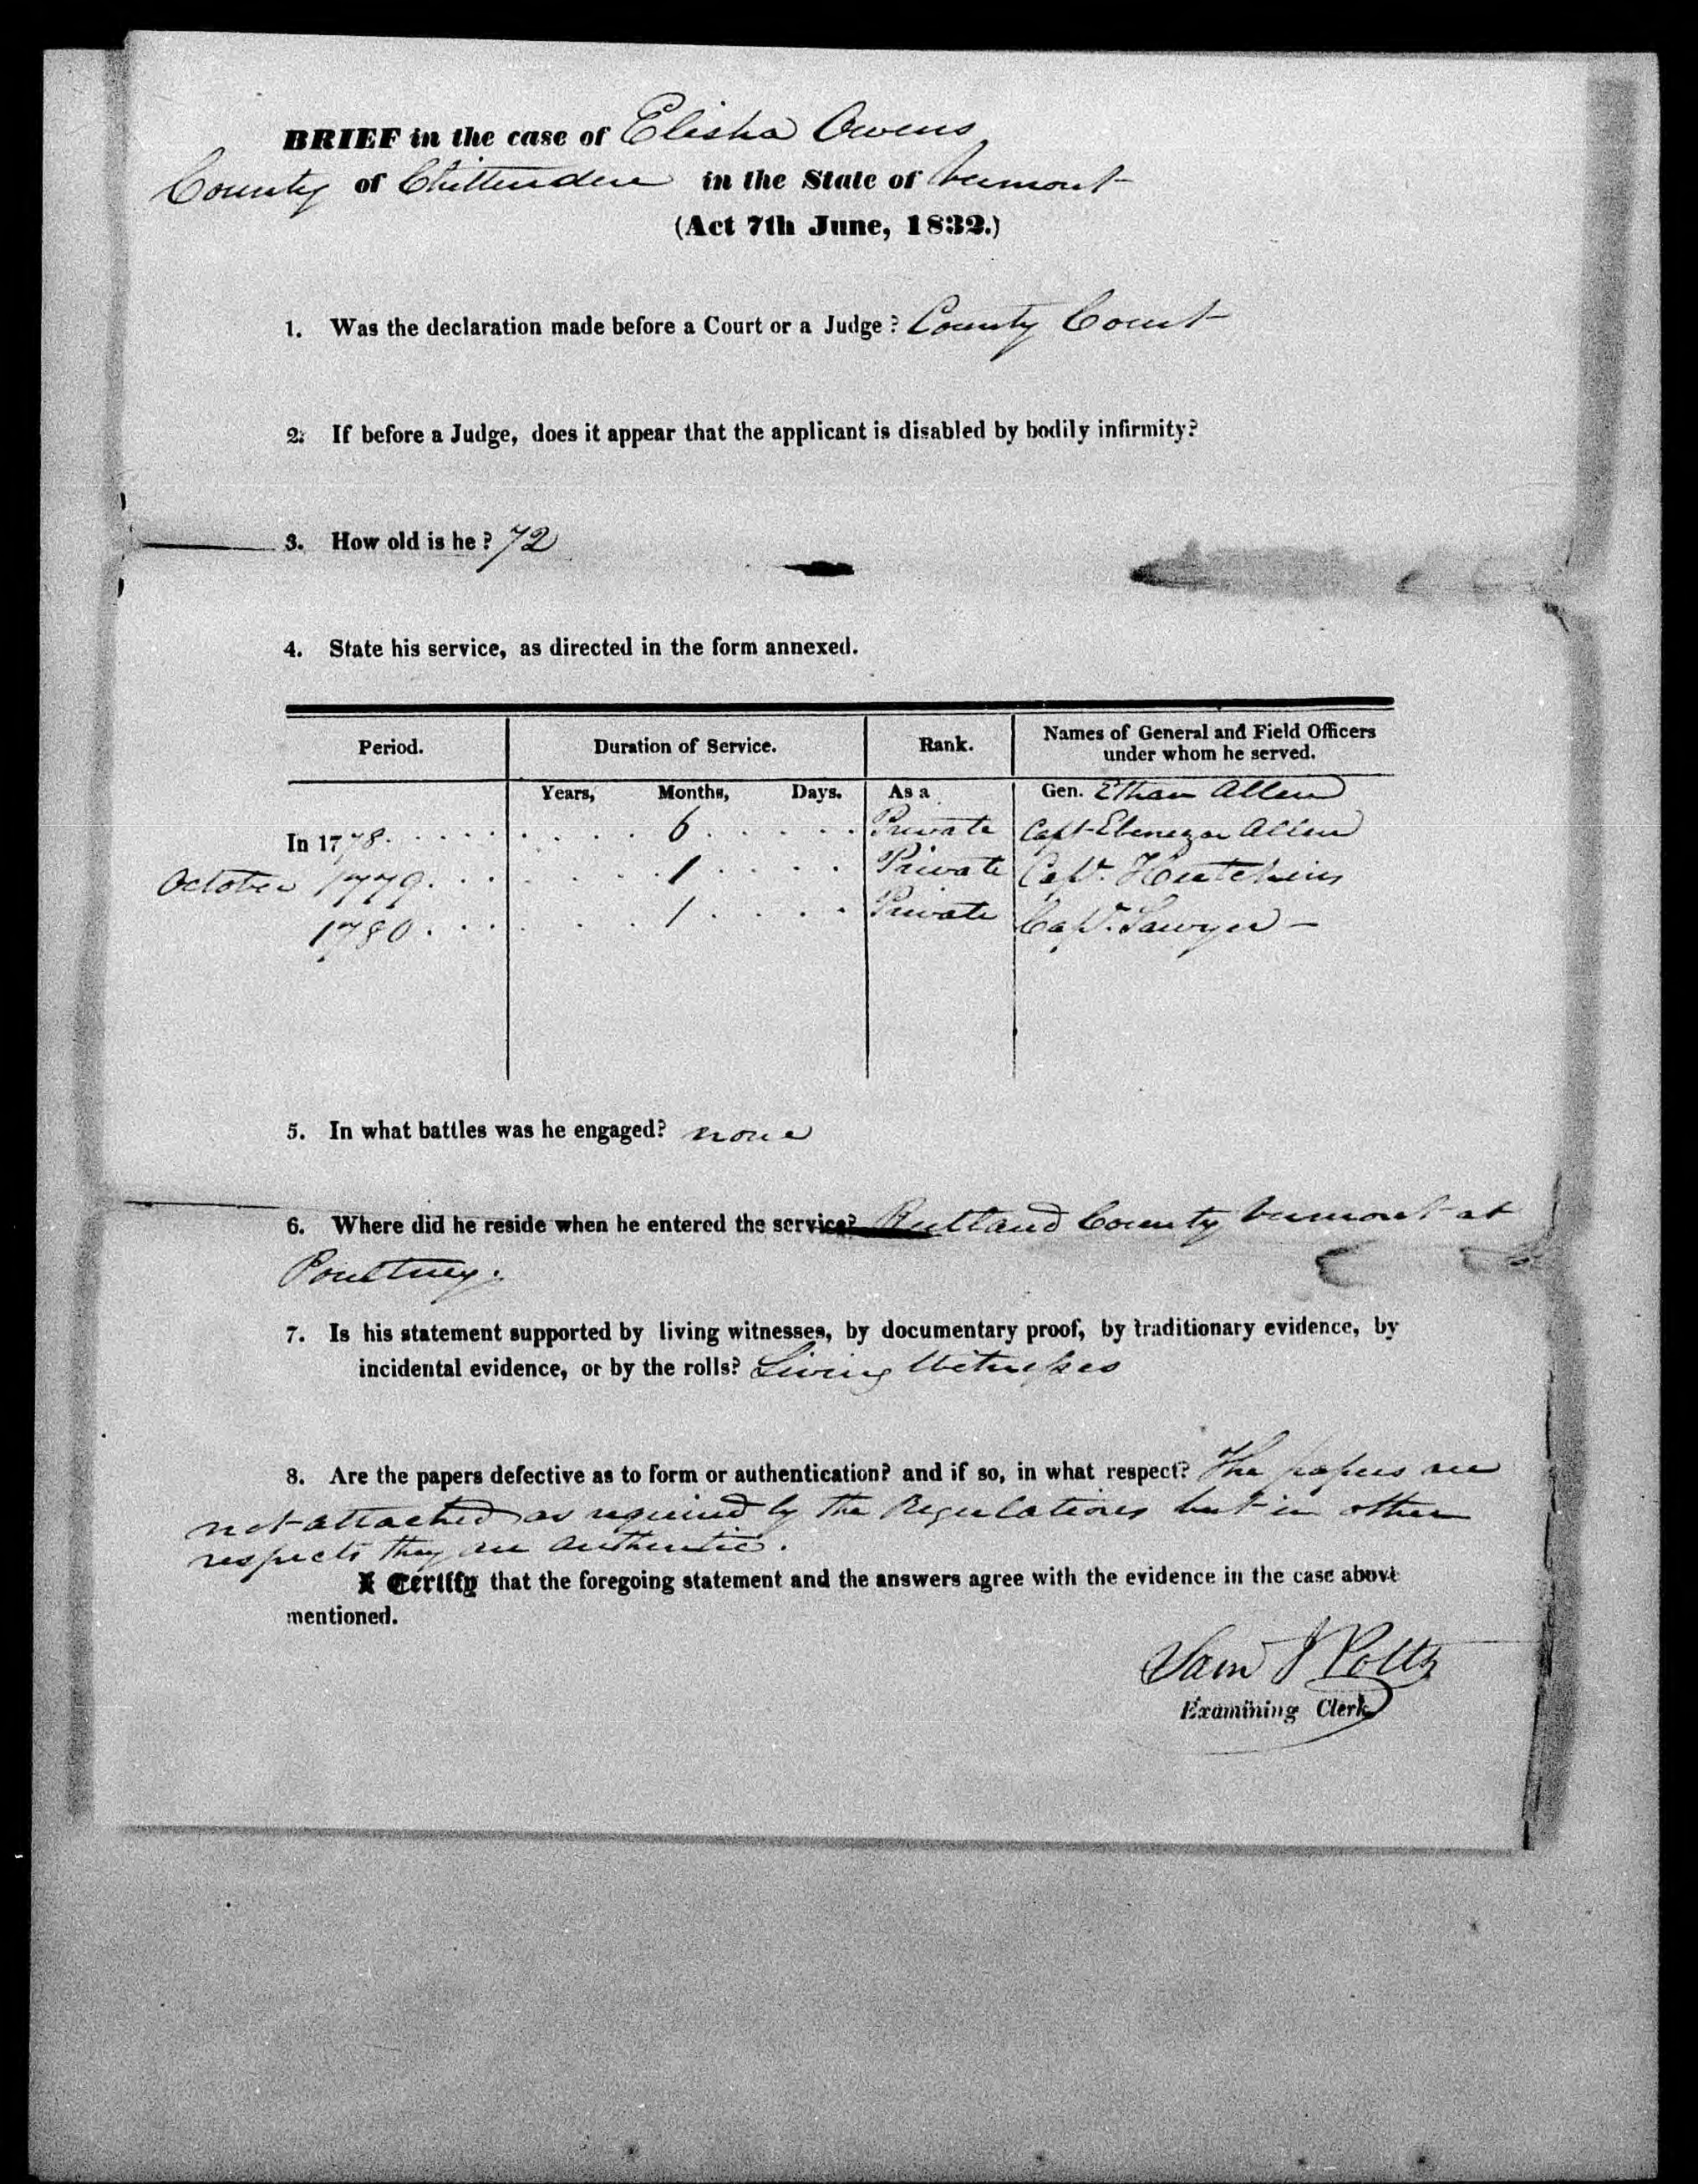Brief in the case of Elisha Owens
County of Chittenden in the State of Vermont
(Act 7th June 1832)
1. Was the declaration made before a court or a judge?  County Court
2. If before a judge, does it appear that the applicant is disabled by bodily infirmity?
3. How old is he? 72
4. State his service, as directed in the form annexed.
Period, Duration of service, Rank, Names of General and Field Officers under whom he served.
In 1778, 6 months, Private, Gen Ethan Allen / Capt. Ebeneezer Allen
Oct 1779, 1 month, private, Capt. Hotchkiss
1780, 1 month, private, Capt. Sawyer

5. In what battle was he engaged?  none
6. Where did he reside when he entered service? Rutland County Vermont at Poultney
7. Is his statement supported by living witnesses, by documentary proof, by transitionary evidence, by incidental evidence? - living witnesses

8. Are the papers defective as to form or authentication and if so, in what respect?  The papers are not attached as required by the regulations but in other respects they are authentic.
*Certify that the foregoing statement and the answers agree with the evidence in the case above mentioned.
Sam J Potts, Examining Clerk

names: Ebenezer Allen; Ethan Allen; [BLANK] Hutchins; [BLANK] Sawyer; Sam J Potts; Elisha Owens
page: 4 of 23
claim: survivor's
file: S 14072, for Elisha Owen, Vermont